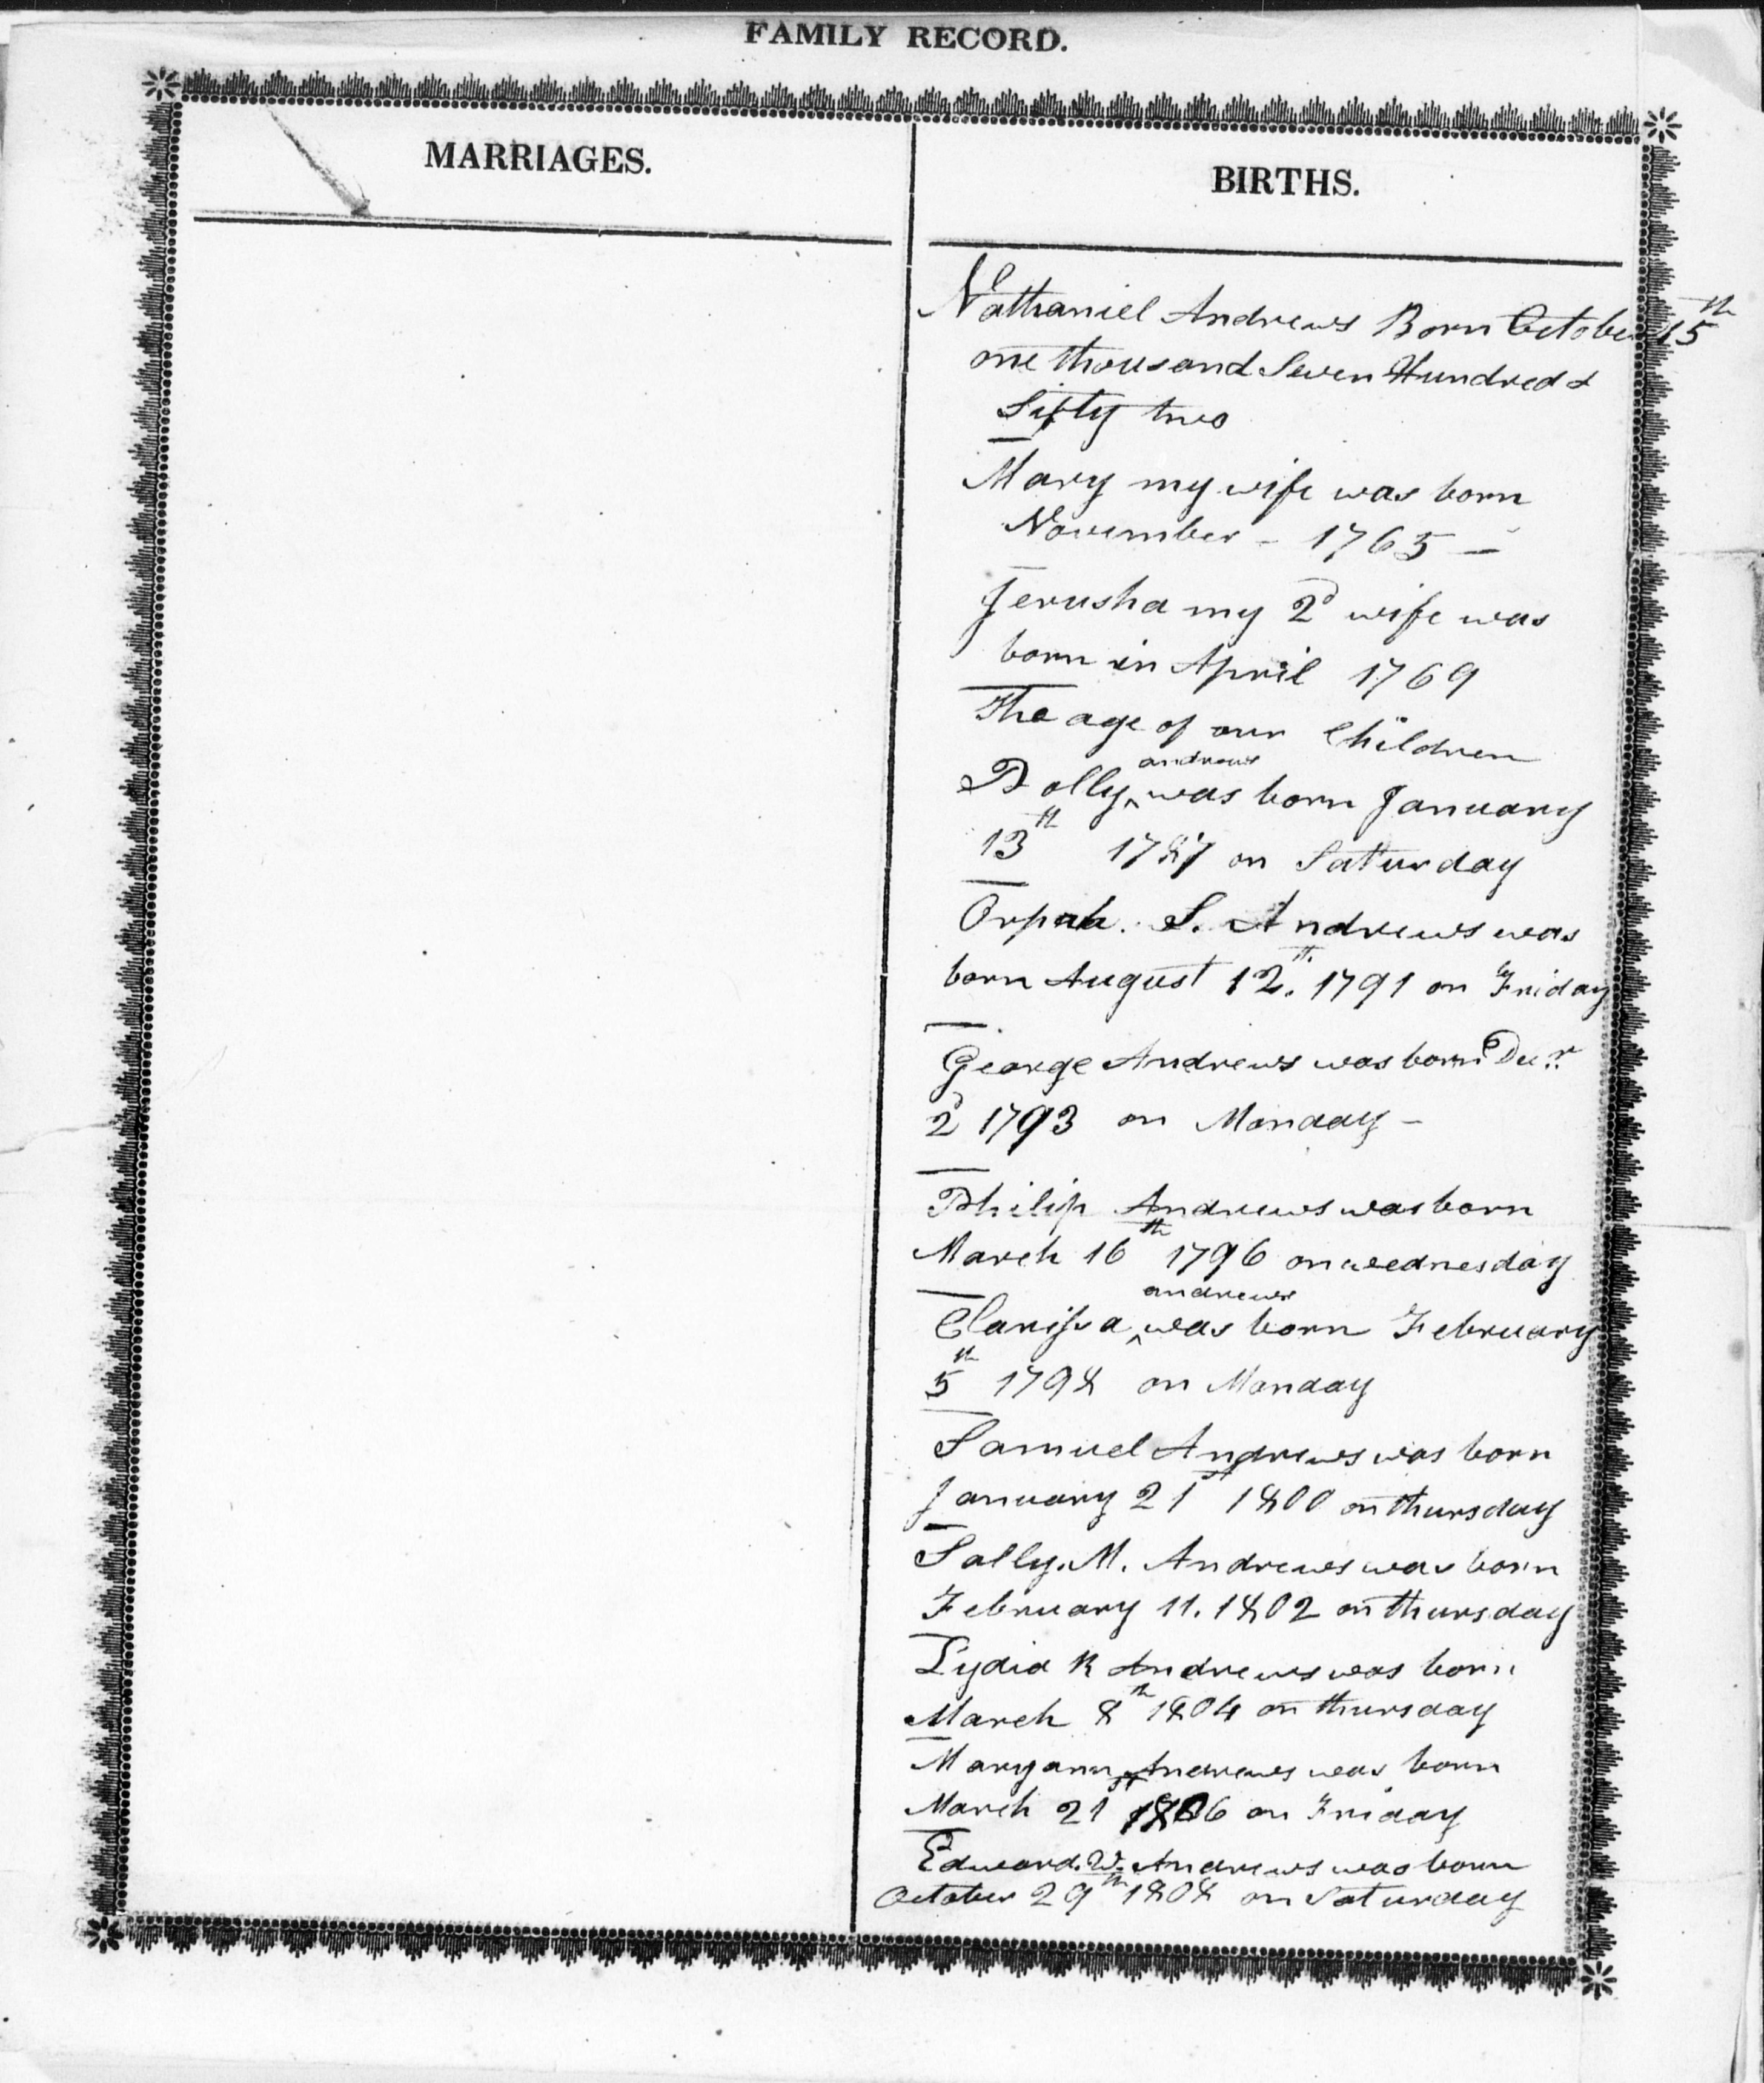FAMILY RECORD.
MARRIAGES. BIRTHS.
Nathaniel Andrews Born October 15th
one thousand Seven Hundred &
fifty two
Mary my wife was born
November 1765
Jerusha my 2d wife was
born in April 1769
the age of our children
Dolly Andrews was born January
13th 1787 on Saturday
Orpah S. Andrews was
born August 12th 1791 on Friday
George Andrews was born Decr
2d 1793 on Monday -
Philip Andrews was born
March 16 1796 on wednesday
Clarissa Andrews was born February
5th 1798 on Monday
Samuel Andrews was born
January 21 1800 on Thursday
Sally M. Andrews was born
February 11, 1802 on thursday
Lydia R Andrews was born
March 8th 1804 on thursday
Maryann Andrews was born
March 21 1806 on Friday
Edward W. Andrews was born
October 29th 1808 on Saturday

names: Philip Andrews, Polly Andrews, Mary Ann Andrews, Samuel Andrews, George Andrews, Clarissa Andrews, Lydia R Andrews, Edward W Andrews, Sally M Andrews, Nathaniel Andrews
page: 10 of 78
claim: widow's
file: W. 4117, Nathaniel Bradley, Conn.